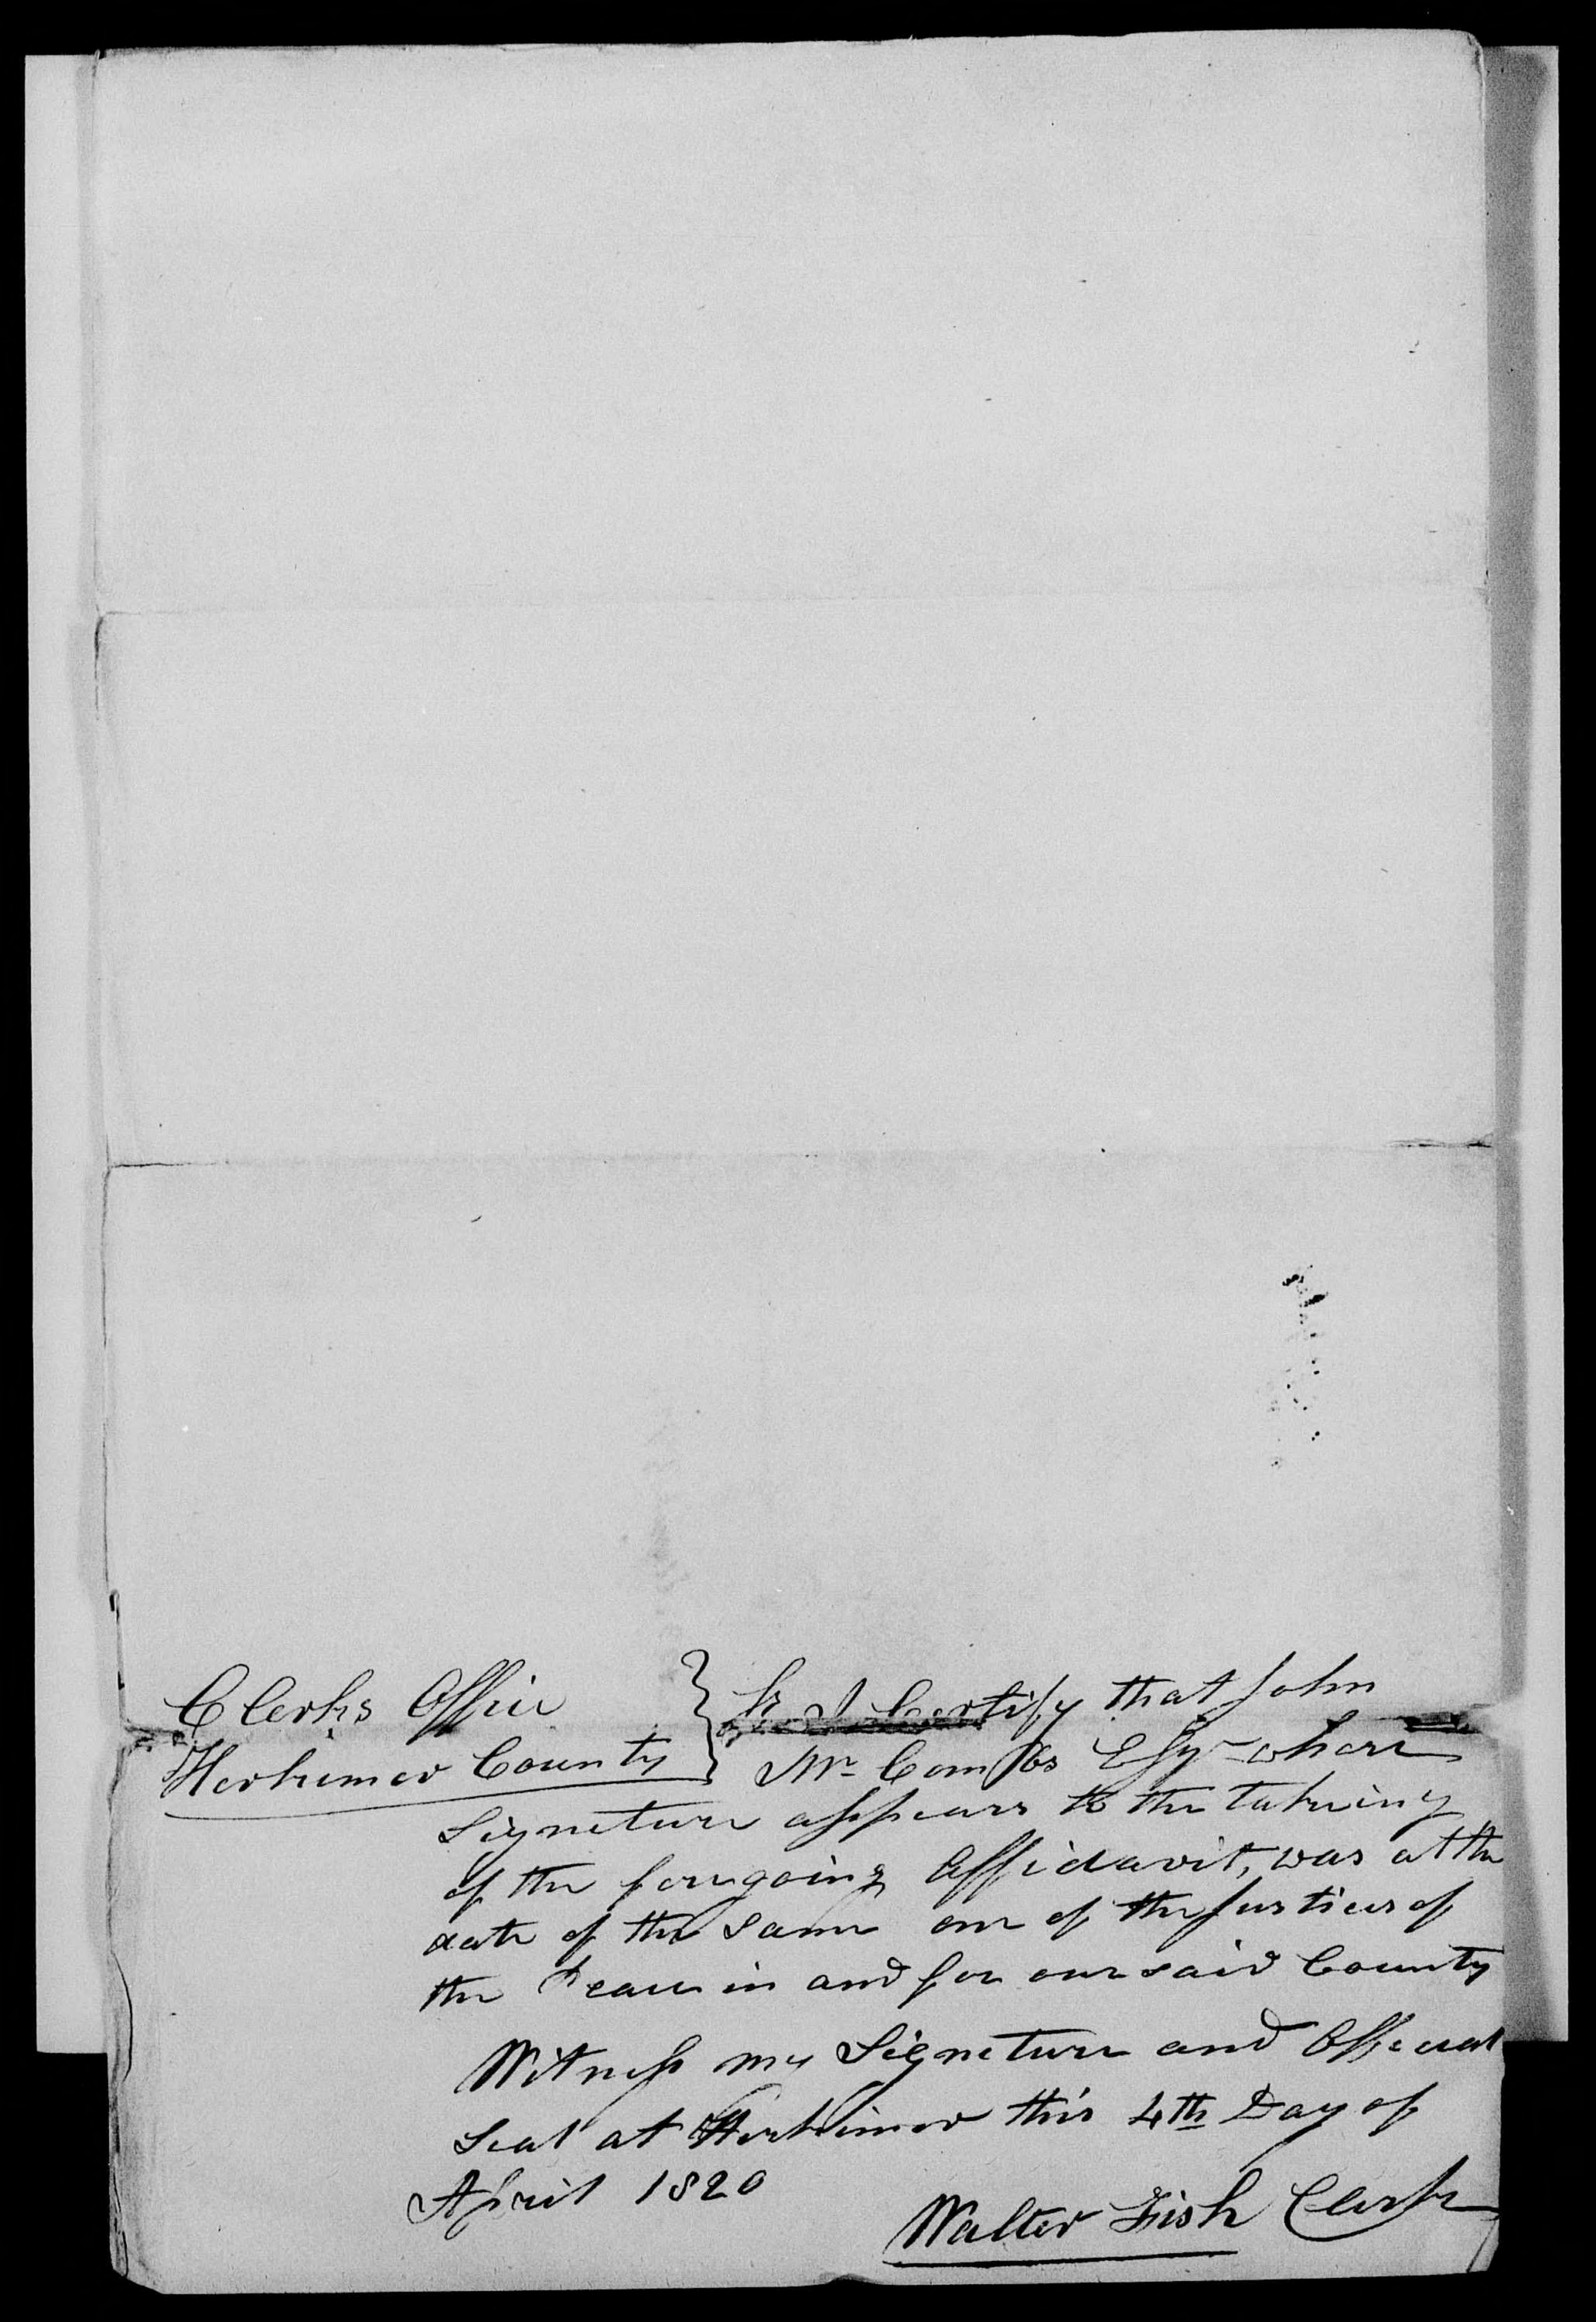Clerks Office, Herkimer County} ss: I Certify that John Wm. Combs  whose signature appears to the taking of the foregoing affidavit, was at the oath of the same one of the Justices of the Peace in and for our said County.
Witness my signature and official seal at Herkimer this 4th Day of April 1820
Walter Fish, Clerk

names: Walter Fish; J W Combs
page: 10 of 11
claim: survivor's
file: S. 27,210, for George Mour, New York